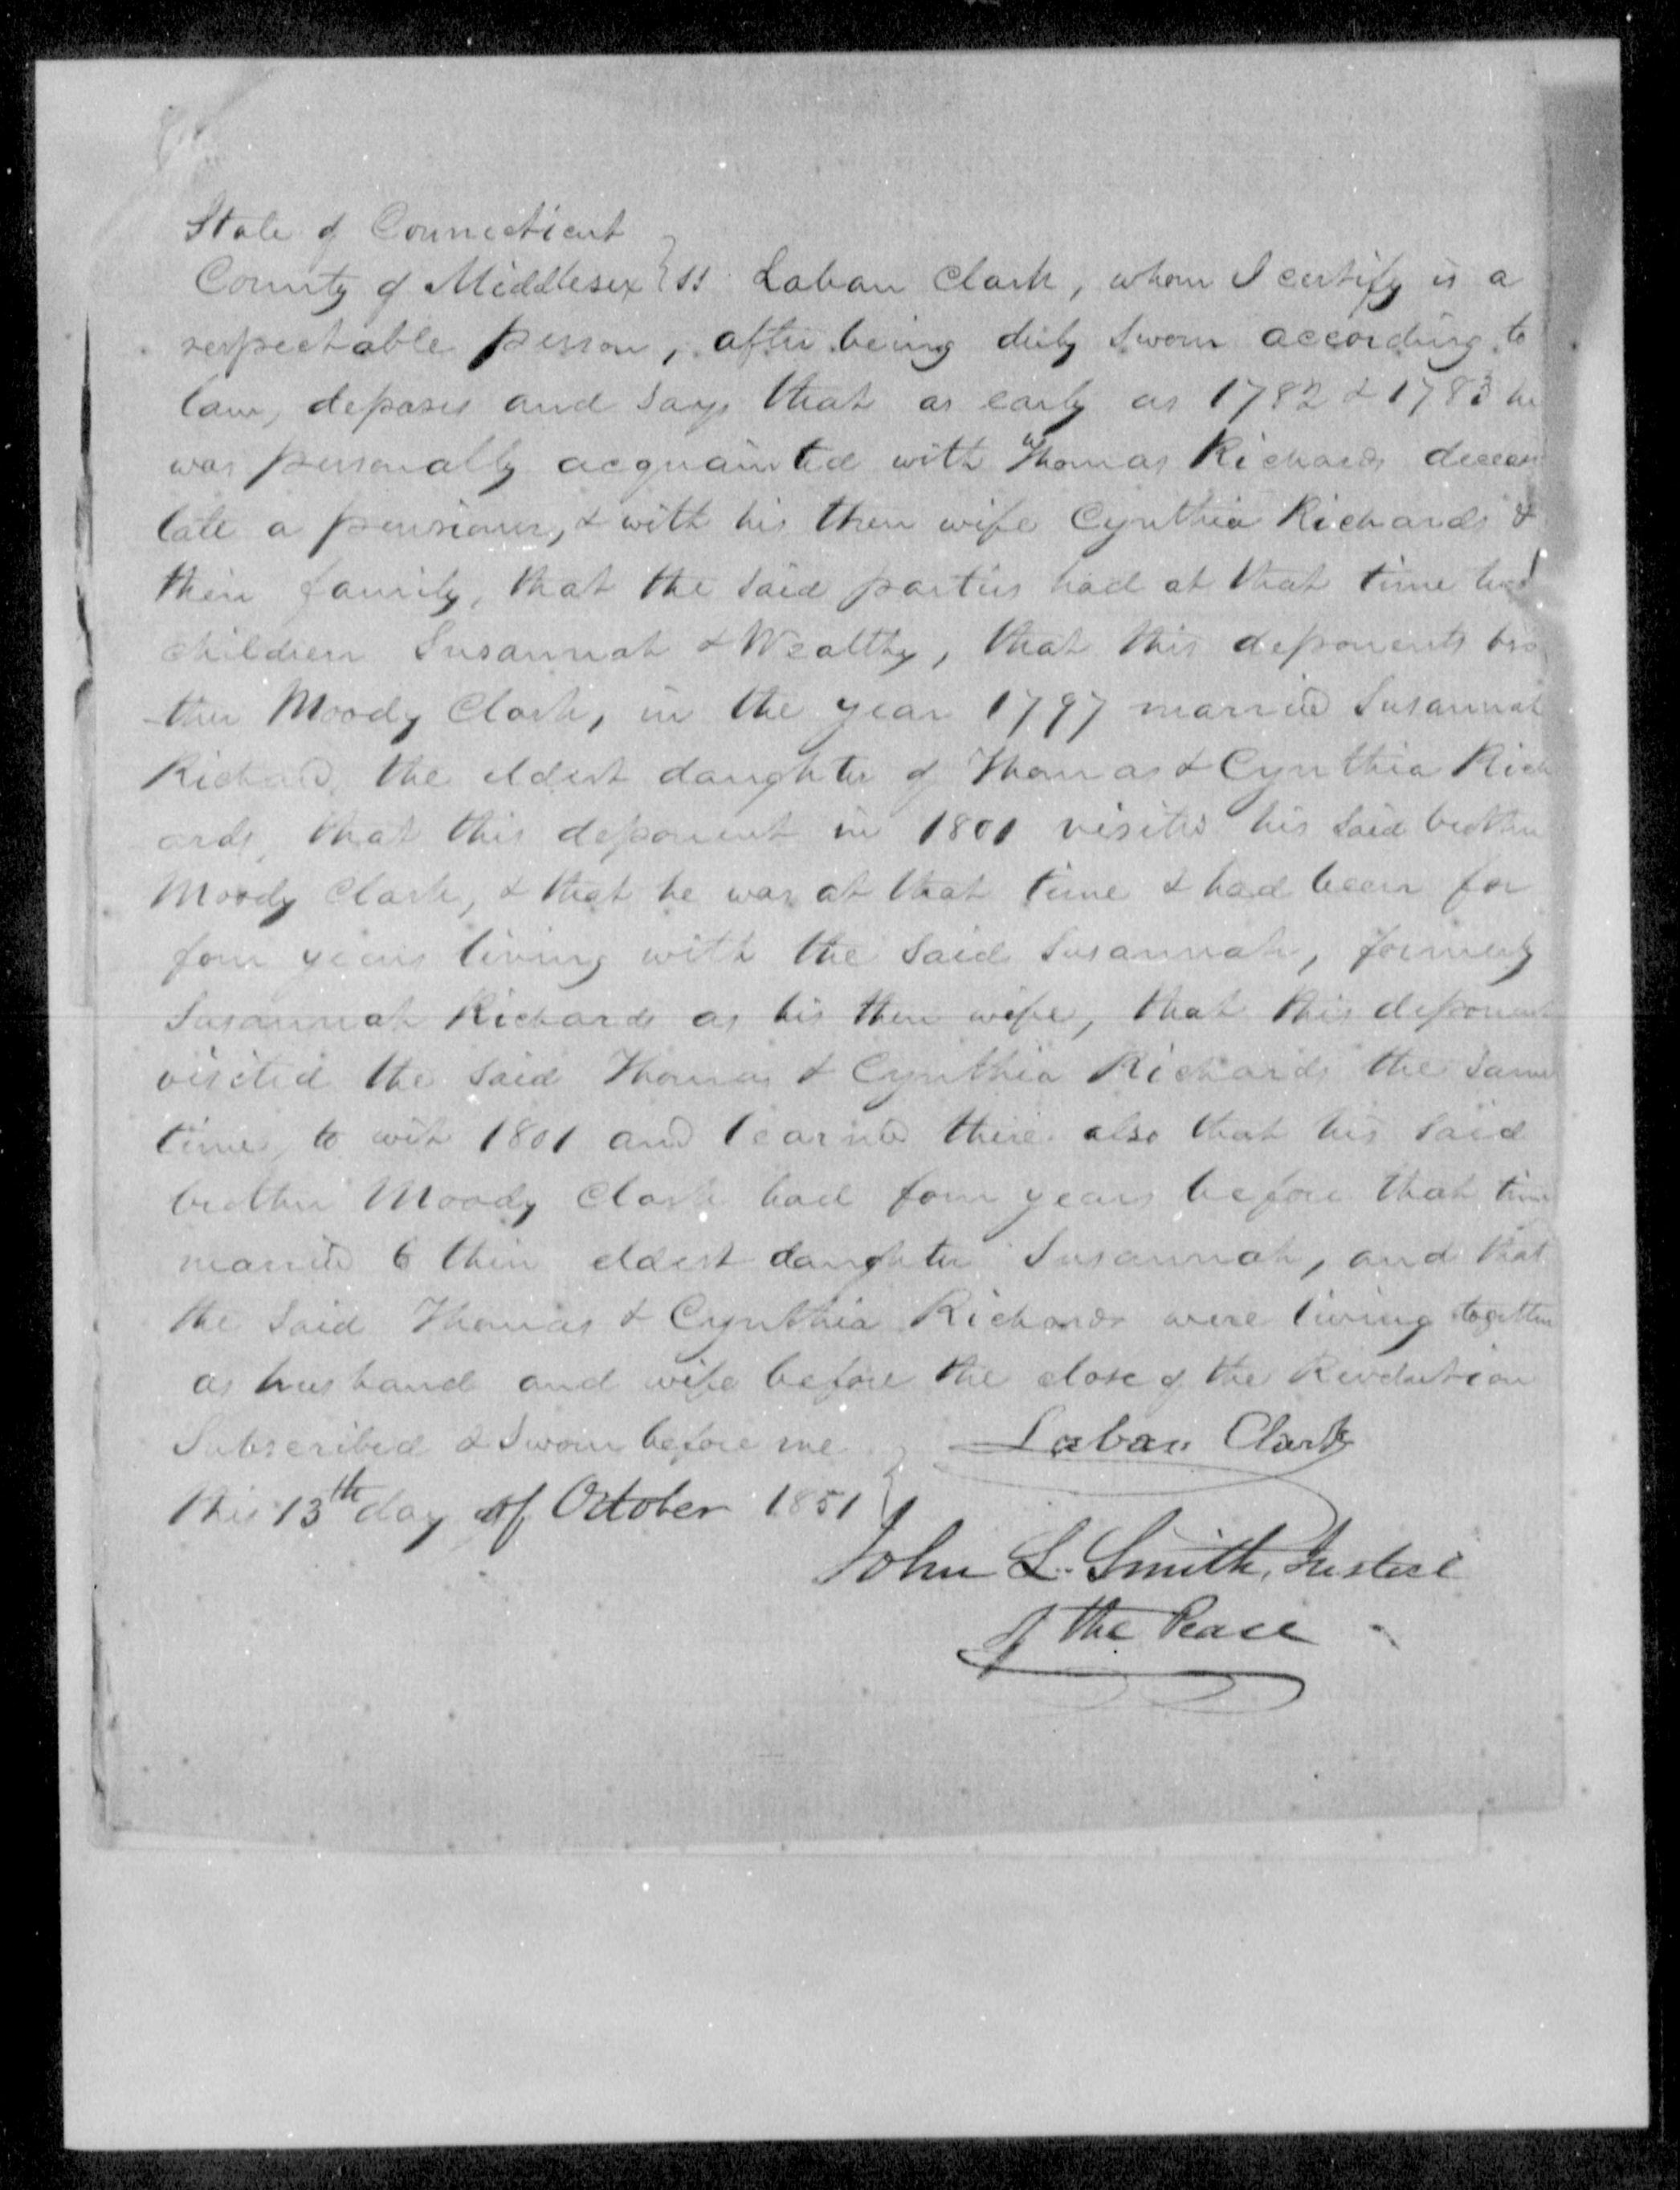State of Connecticut
County of Middlesex} SS Laban Clark, whom I certify is a respectable person, after being duly sworn according to law, deposes and says that as early as 1782 & 1783 he was personally acquainted with Thomas Richards deceased
late a pensioner, & with his then wife Cynthia Richards & their family, that the said parties had at that time two children Susannah & Wealthy, that this deponents [sic] brother Moody Clark, in the year 1797 married Susannah Richards the eldest daughter of Thomas & Cynthia Richards, that this deponent in 1801 visited his said brother Moody Clark, & that he was at that time & had been four years living with the said Susannah, formerly
Susannah Richards as his then wife, that this deponent visited the said Thomas & Cynthia Richards the same time to wit 1801 and learned there also that his said brother Moody Clark had four years before that time married to their eldest daughter Susannah, and that the
said Thomas & Cynthia Richards were living together as husband and wife before the close of the Revolution
Laban Clark
Subscribed & Sworn before me this 13th day of October 1851
John L. Smith, Justice of the Peace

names: Susannah [BLANK]; Thomas Richards; Cynthia [BLANK]; Cynthia Richards; Moody Clark; Susannah [BLANK]; Cynthia Richards; Thomas Richards; Laban Clark; Susannah [BLANK]; Susannah Richards; Thomas Richards; Wealthy [BLANK]; Moody Clark; John L Smith; Susannah Richards; Thomas Richards; Laban Clark; Moody Clark; Cynthia Richards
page: 77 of 109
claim: widow's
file: W. 5709, for Thomas Richards, New Hampshire